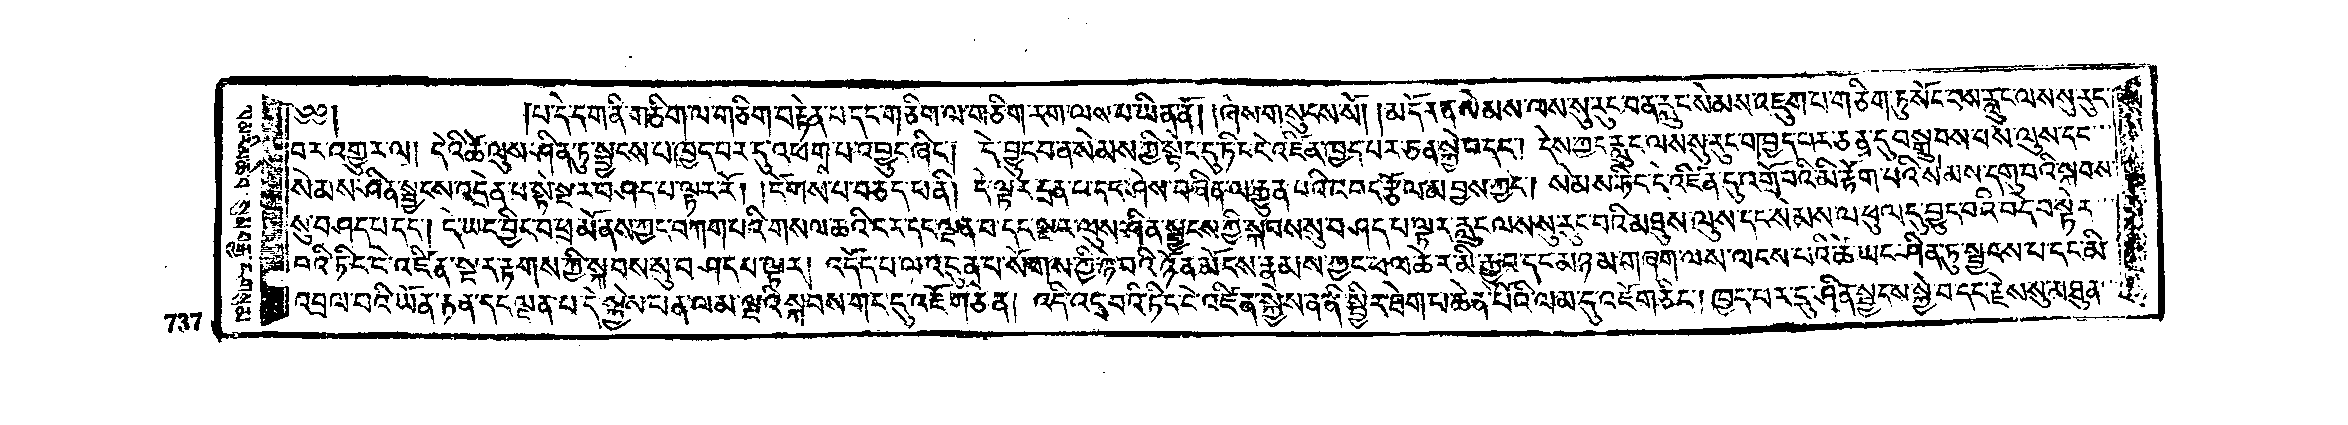༄༅། །པ་དེ་དག་ནི་གཅིག་ལ་གཅིག་བརྟེན་པ་དང་གཅིག་ལ་གཅིག་རག་ལས་པ་ཡིན་ནོ། །ཞེས་གསུངས་སོ། །མདོར་ན་སེམས་ལས་སུ་རུང་བ་ན་རླུང་སེམས་འཇུག་པ་གཅིག་ཏུ་སོང་བས་རླུང་ལས་སུ་རུང་
བར་འགྱུར་ལ། དེའི་ཚེ་ལུས་ཤིན་ཏུ་སྦྱངས་པ་ཁྱད་པར་དུ་འཕག་པ་འབྱུང་ཞིང་། དེ་བྱུང་བ་ན་སེམས་ཀྱི་སྟེང་དུ་ཏིང་ངེ་འཛིན་ཁྱད་པར་ཅན་སྐྱེ་བ་དང་། དེས་ཀྱང་རླུང་ལས་སུ་རུང་བ་ཁྱད་པར་ཅན་དུ་བསྒྲུབས་པས་ལུས་དང་
སེམས་ཤིན་སྦྱངས་འདྲེན་པ་སྟེ་སྔར་བཤད་པ་ལྟར་རོ། །དོགས་པ་བཅད་པ་ནི། དེ་ལྟར་དྲན་པ་དང་ཤེས་བཞིན་ལ་རྒྱུན་པའི་འབད་རྩོལ་མ་བྱས་ཀྱང་། སེམས་ཏིང་ངེ་འཛིན་དུ་འགྲོ་བའི་མི་རྟོག་པའི་སེམས་དགུ་པའི་སྐབས་
སུ་བཤད་པ་དང་། དེ་ཡང་བྱིང་བ་?་ཕྲ་མོ་ནས་ཀྱང་བཀག་པའི་གསལ་ཆའི་ངར་དང་ལྡན་པ་དང་སྔར་ལུས་ཤིན་སྦྱངས་ཀྱི་སྐབས་སུ་བཤད་པ་ལྟར་རླུང་ལས་སུ་རུང་བའི་མཐུས་ལུས་དང་སེམས་ལ་ཕུལ་དུ་བྱུང་བའི་བདེ་བ་སྟེར་
བའི་ཏིང་ངེ་འཛིན་སྔར་རྟགས་ཀྱི་སྐབས་སུ་བཤད་པ་ལྟར། འདོད་པ་ལ་འདུན་པ་སོགས་ཀྱི་ཉེ་བའི་ཉོན་མོངས་རྣམས་ཀྱང་ཕལ་ཆེར་མི་རྒྱུ་བ་དང་མཉམ་གཞག་ལས་ལངས་པའི་ཚེ་ཡང་ཤིན་ཏུ་སྦྱངས་པ་དང་མི་
འབྲལ་བའི་ཡོན་ཏན་དང་ལྡན་པ་དེ་སྐྱེས་པ་ན་ལམ་ལྔའི་སྐབས་གང་དུ་འཇོག་ཅེ་ན། འདི་འདྲ་བའི་ཏིང་ངེ་འཛིན་སྐྱེས་ན་ནི་སྦྱིར་ཐེག་པ་ཆེན་པོའི་ལམ་དུ་འཇོག་ཅིང་། ཁྱད་པར་དུ་ཤིན་སྦྱངས་སྐྱེ་བ་དང་རྗེས་སུ་མཐུན་